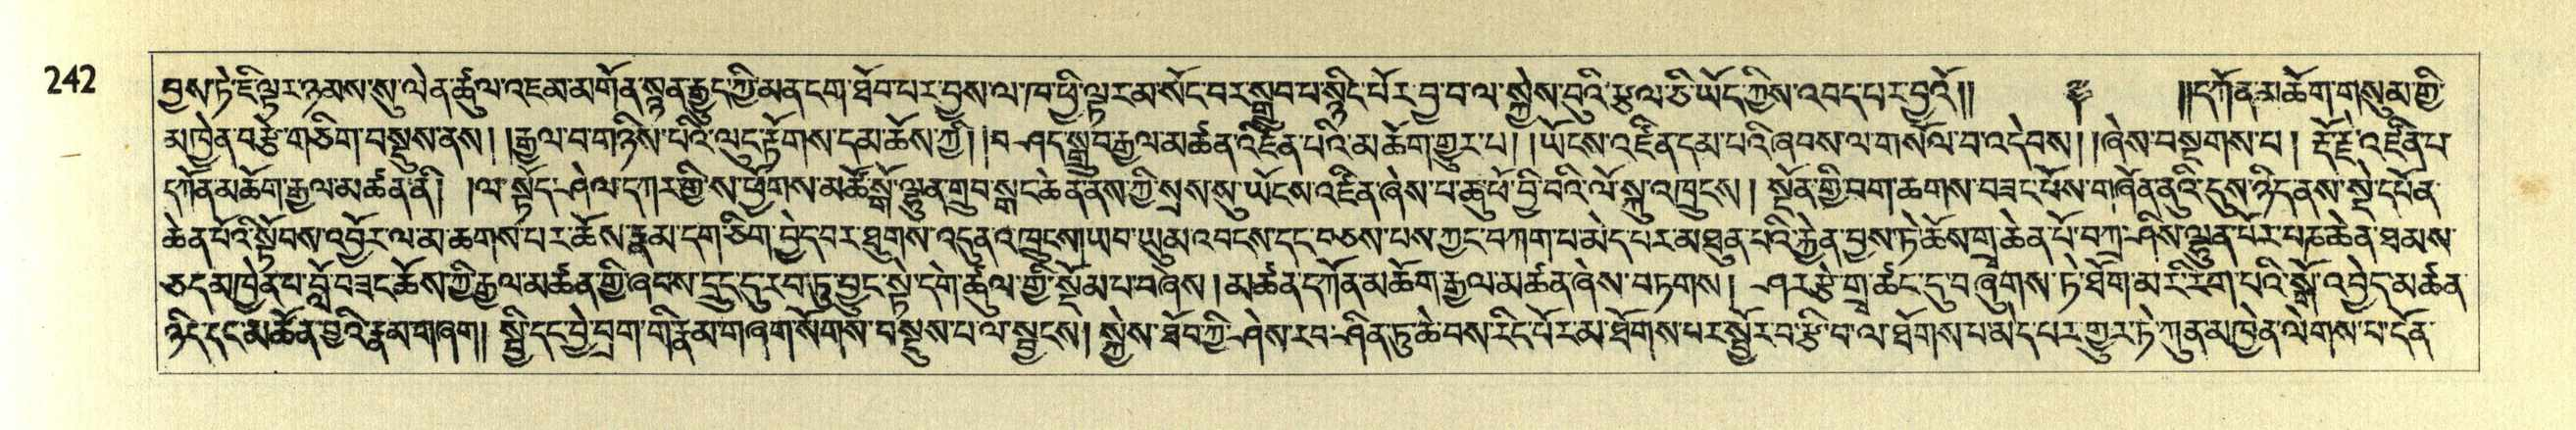བྱས་ཏེ་ཇི་ལྟར་ཉམས་སུ་ལེན་ཚུལ་འཇམ་མགོན་སྙན་རྒྱུད་ཀྱི་མན་ངག་ཐོབ་པར་བྱས་ལ་ཁ་ཕྱི་ལྟར་མ་སོང་བར་སྒྲུབ་པ་སྙིང་པོར་བྱ་བ་ལ་སྐྱེས་བུའི་རྩལ་ཅི་ཡོད་ཀྱིས་འབད་པར་བྱའོ།། ༈ །།དཀོན་མཆོག་གསུམ་གྱི་
མཁྱེན་བརྩེ་གཅིག་བསྡུས་ནས། །རྒྱལ་བ་གཉིས་པའི་ལུང་རྟོགས་དམ་ཆོས་ཀྱི། །བཤད་སྒྲུབ་རྒྱལ་མཚན་འཛིན་པའི་མཆོག་གྱུར་པ། །ཡོངས་འཛིན་དམ་པའི་ཞབས་ལ་གསོལ་བ་འདེབས། །ཞེས་བསྔགས་པ། རྡོ་རྗེ་འཛིན་པ་
དཀོན་མཆོག་རྒྱལ་མཚན་ནི། །ལ་སྟོད་ཤེལ་དཀར་གྱི་ས་ཕྱོགས་མཚོ་སྒོ་ལྷུན་གྲུབ་སྒང་ཆེན་ནས་ཀྱི་སྲས་སུ་ཡོངས་འཛིན་ཞེས་པ་ཆུ་ཕོ་བྱི་བའི་ལོ་སྐུ་འཁྲུངས། སྔོན་གྱི་བག་ཆགས་བཟང་པོས་གཞོན་ནུའི་དུས་ཉིད་ནས་སྡེ་དཔོན་
ཆེན་པོའི་སྟོབས་འབྱོར་ལ་མ་ཆགས་པར་ཆོས་རྣམ་དག་ཅིག་བྱེད་བར་ཐུགས་འདུན་འཁྲུངས། ཡབ་ཡུམ་འབངས་དང་བཅས་པས་ཀྱང་བཀག་པ་མེད་པར་མཐུན་པའི་རྐྱེན་བྱས་ཏེ་ཆོས་གྲྭ་ཆེན་པོ་བཀྲ་ཤིས་ལྷུན་པོར་པཎ་ཆེན་ཐམས་
ཅད་མཁྱེན་པ་བློ་བཟང་ཆོས་ཀྱི་རྒྱལ་མཚན་གྱི་ཞབས་དྲུང་དུ་རབ་ཏུ་བྱུང་སྟེ་དགེ་ཚུལ་གྱི་སྡོམ་པ་བཞེས། །མཚན་དཀོན་མཆོག་རྒྱལ་མཚན་ཞེས་བཏགས། ཤར་རྩེ་གྲྭ་ཚང་དུ་བཞུགས་ཏེ་ཐོག་མར་རིག་པའི་སྒོ་འབྱེད་མཚན་
ཉིད་དང་མཚོན་བྱའི་རྣམ་གཞག། སྦྱི་དང་བྱེ་བྲག་གི་རྣམ་གཞག་སོགས་བསྡུས་པ་ལ་སྦྱངས། སྐྱེས་ཐོབ་ཀྱི་ཤེས་རབ་ཤིན་ཏུ་ཆེ་བས་རིང་པོར་མ་ཐོགས་པར་སྦྱོར་བ་རྩི་བ་ལ་ཐོགས་པ་མེད་པར་གྱུར་ཏེ་ཀུན་མཁྱེན་ལེགས་པ་དོན་